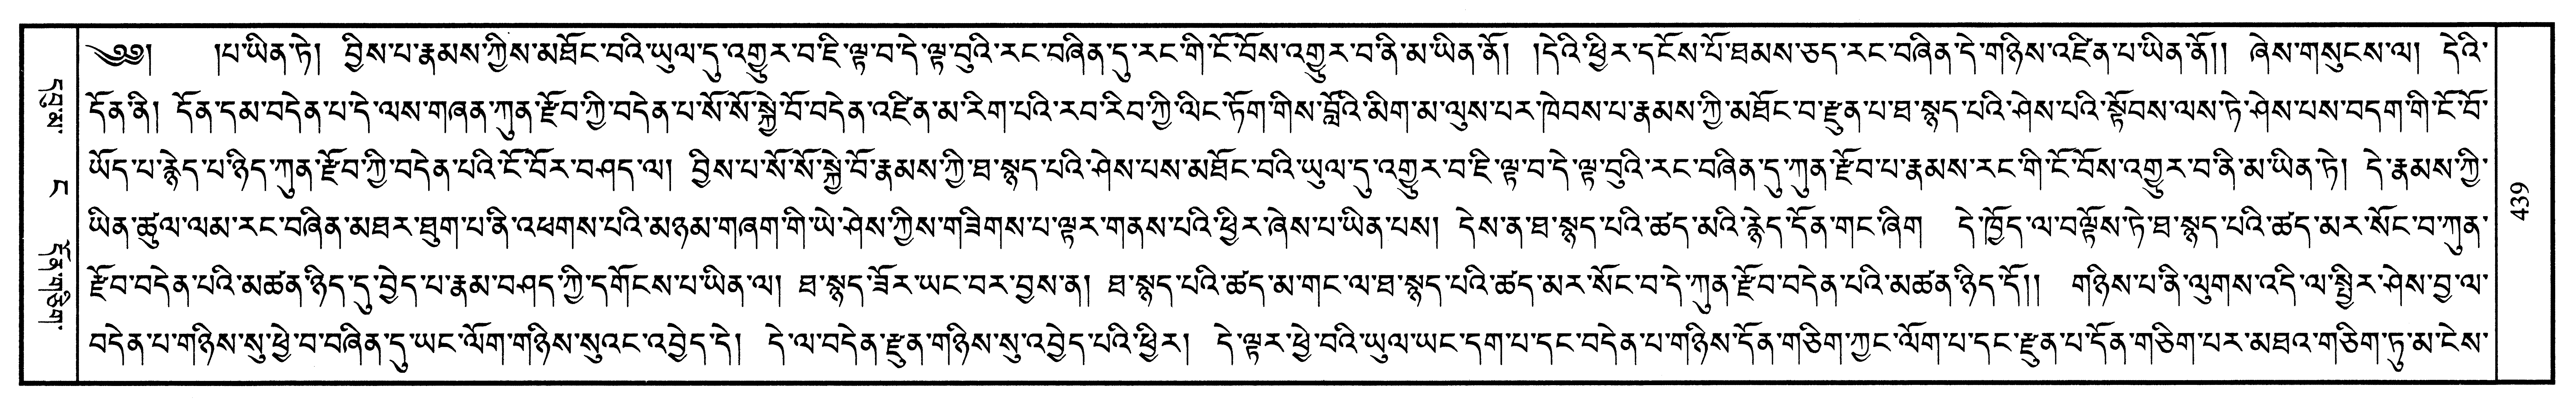༄༅། །པ་ཡིན་ཏེ། བྱིས་པ་རྣམས་ཀྱིས་མཐོང་བའི་ཡུལ་དུ་འགྱུར་བ་ཇི་ལྟ་བ་དེ་ལྟ་བུའི་རང་བཞིན་དུ་རང་གི་ངོ་བོས་འགྱུར་བ་ནི་མ་ཡིན་ནོ། །དེའི་ཕྱིར་དངོས་པོ་ཐམས་ཅད་རང་བཞིན་དེ་གཉིས་འཛིན་པ་ཡིན་ནོ།། ཞེས་གསུངས་ལ། དེའི་
དོན་ནི། དོན་དམ་བདེན་པ་དེ་ལས་གཞན་ཀུན་རྫོབ་ཀྱི་བདེན་པ་སོ་སོ་སྐྱེ་བོ་བདེན་འཛིན་མ་རིག་པའི་རབ་རིབ་ཀྱི་ལིང་ཏོག་གིས་བློའི་མིག་མ་ལུས་པར་ཁེབས་པ་རྣམས་ཀྱི་མཐོང་བ་རྫུན་པ་ཐ་སྙད་པའི་ཤེས་པའི་སྟོབས་ལས་ཏེ་ཤེས་པས་བདག་གི་ངོ་བོ་
ཡོད་པ་རྙེད་པ་ཉིད་ཀུན་རྫོབ་ཀྱི་བདེན་པའི་ངོ་བོར་བཤད་ལ། བྱིས་པ་སོ་སོ་སྐྱེ་བོ་རྣམས་ཀྱི་ཐ་སྙད་པའི་ཤེས་པས་མཐོང་བའི་ཡུལ་དུ་འགྱུར་བ་ཇི་ལྟ་བ་དེ་ལྟ་བུའི་རང་བཞིན་དུ་ཀུན་རྫོབ་པ་རྣམས་རང་གི་ངོ་བོས་འགྱུར་བ་ནི་མ་ཡིན་ཏེ། དེ་རྣམས་ཀྱི་
ཡིན་ཚུལ་ལམ་རང་བཞིན་མཐར་ཐུག་པ་ནི་འཕགས་པའི་མཉམ་གཞག་གི་ཡེ་ཤེས་ཀྱིས་གཟིགས་པ་ལྟར་གནས་པའི་ཕྱིར་ཞེས་པ་ཡིན་པས། དེས་ན་ཐ་སྙད་པའི་ཚད་མའི་རྙེད་དོན་གང་ཞིག །དེ་ཁྱོད་ལ་བལྟོས་ཏེ་ཐ་སྙད་པའི་ཚད་མར་སོང་བ་ཀུན་
རྫོབ་བདེན་པའི་མཚན་ཉིད་དུ་བྱེད་པ་རྣམ་བཤད་ཀྱི་དགོངས་པ་ཡིན་ལ། ཐ་སྙད་ཟོར་ཡང་བར་བྱས་ན། ཐ་སྙད་པའི་ཚད་མ་གང་ལ་ཐ་སྙད་པའི་ཚད་མར་སོང་བ་དེ་ཀུན་རྫོབ་བདེན་པའི་མཚན་ཉིད་དོ།། གཉིས་པ་ནི་ལུགས་འདི་ལ་སྤྱིར་ཤེས་བྱ་ལ་
བདེན་པ་གཉིས་སུ་ཕྱེ་བ་བཞིན་དུ་ཡང་ལོག་གཉིས་སུའང་འབྱེད་དེ། དེ་ལ་བདེན་རྫུན་གཉིས་སུ་འབྱེད་པའི་ཕྱིར། དེ་ལྟར་ཕྱེ་བའི་ཡུལ་ཡང་དག་པ་དང་བདེན་པ་གཉིས་དོན་གཅིག་ཀྱང་ལོག་པ་དང་རྫུན་པ་དོན་གཅིག་པར་མཐའ་གཅིག་ཏུ་མ་ངེས་